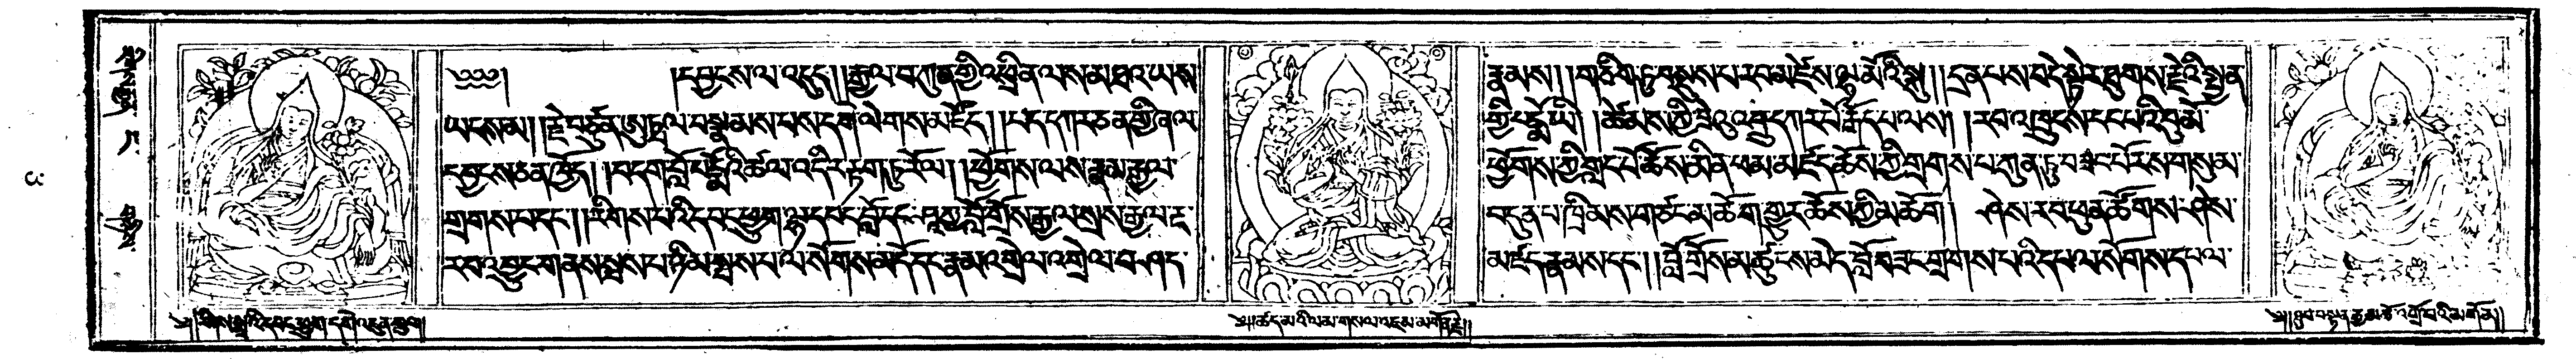༄༅༅། །་དབྱངས་ལ་འདུད། །རྒྱལ་བ་ཀུན་གྱི་འཕྲིན་ལས་མཐའ་ཡས་རྣམས། །གཅིག་ཏུ་བསྡུས་པ་རབ་མཛེས་ལྷ་མོའི་སྐུ། །དྲན་པས་བདེ་སྟེར་ཐུགས་རྗེའི་སྤྱན་
ཡངས་མ། །རྗེ་བཙུན་ཨུཏྤལ་པ་སྣ་མས་པས་དགེ་ལེགས་མཛོད། །པད་དཀར་ཅན་གྱི་ཞལ་གྱི་པདམོའི་ཡི། །ཚེམས་ཀྱི་ཟེའུ་འབྲུ་དཀར་པོ་རྒོད་པ་ལས། །རབ་འཁྲུངས་ངང་པའི་བུ་མོ་
དབྱངས་ཅན་ཁྱོད། །བདག་བློ་པདམོའི་ཚལ་འདིར་རྟག་ཏུ་རོལ། །ཕྱོགས་ལས་རྣམ་རྒྱལ་ཕྱོགས་ཀྱི་གླང་པོ་ཆོས་མིན་ཕ་མ་མཛད་ཆོས་ཀྱི་གྲགས་པ་ཀུན་ཏུ་བཟང་པོར་ས་གསུམ་
ཕྲགས་པ་དང་། །རིགས་པའི་དབང་ཕྱུག་ལྷ་དབང་བློ་དང་ཤཱཀྱ་བློ་གྲོས་རྒྱལ་སྲས་རྒྱལ་རྔ་?་བདུན་པ་ཁྲིམས་གཙང་མཆོག་གྱུར་ཆོས་ཀྱི་མཆོག །ཤེས་རབ་ཕུན་ཚོགས་ཤེས་
རབ་འབྱུང་གནས་སྦས་པ་ཉི་མ་སྦས་པ་ལ་སོགས་མདོ་དང་རྣམ་འགྲེལ་འགྲེལ་བཤད་མཛད་རྣམས་དང་། །བློ་གྲོས་མཚུངས་མེད་བློ་བཟང་གྲགས་པའི་དཔལ་སོགས་དཔལ་